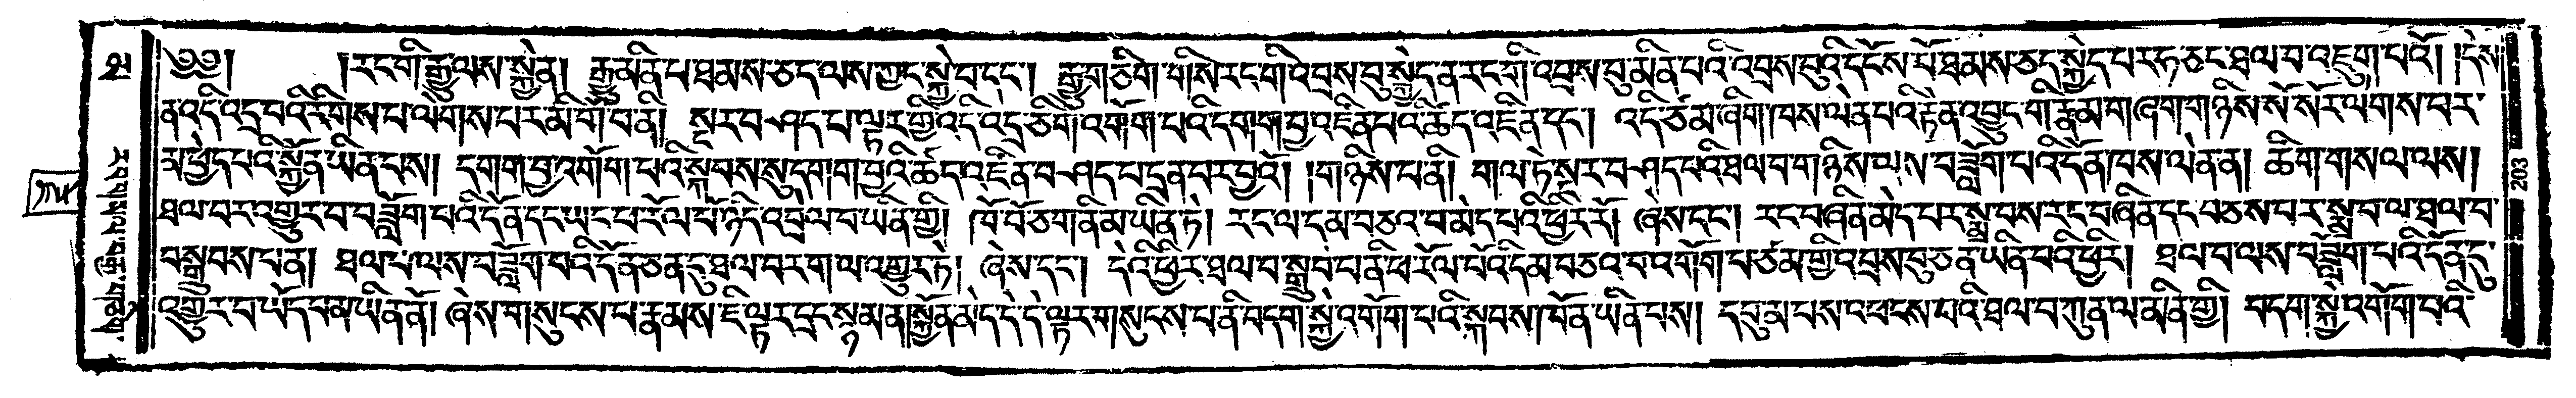༄༅། །རང་གི་རྒྱུ་ལས་སྐྱེ་ན། རྒྱུ་མིན་པ་ཐམས་ཅད་ལས་ཀྱང་སྐྱེ་བ་དང་། རྒྱུ་གཅིག་གིས་རང་གི་འབྲས་བུ་སྐྱེད་ན་རང་གི་འབྲས་བུ་མིན་པའི་འབྲས་བུའི་དངོས་པོ་ཐམས་ཅད་སྐྱེད་པར་ཧ་ཅང་ཐལ་བ་འཇུག་པའོ། །དེས་
ན་འདི་འདྲ་བའི་རིགས་པ་ལེགས་པར་མི་གོ་བ་ནི། སྔར་བཤད་པ་ལྟར་གྱི་འདི་འདྲ་ཅིག་འགོག་པའི་དགག་བྱ་འཛིན་པའི་ཚད་འཛིན་དང་། འདི་ཙམ་ཞིག་ཁས་ལེན་པའི་རྟེན་འབྱུང་གི་རྣམ་གཞག་གཉིས་སོ་སོར་ལེགས་པར་
མ་ཕྱེད་པའི་སྐྱོན་ཡིན་པས། དགག་བྱ་འགོག་པའི་སྐབས་སུ་དགག་བྱའི་ཚད་འཛིན་བཤད་པ་དྲན་པར་བྱའོ། །གཉིས་པ་ནི། གལ་ཏེ་སྔར་བཤད་པའི་ཐལ་བ་གཉིས་ལས་བཟློག་པའི་དོན་ཁས་ལེན་ན། ཚིག་གསལ་ལས།
ཐལ་བར་འགྱུར་བ་བཟློག་པའི་དོན་དང་ཡང་ཕ་རོལ་པོ་ཉིད་འབྲེལ་བ་ཡིན་གྱི། ཁོ་བོ་ཅག་ནི་མ་ཡིན་ཏེ། རང་ལ་དམ་བཅའ་བ་མེད་པའི་ཕྱིར་རོ། །ཞེས་དང་། རང་བཞིན་མེད་པར་སྨྲ་བས་རང་བཞིན་དང་བཅས་པར་སྨྲ་བ་ལ་ཐལ་བ་
བསྒྲུབས་པ་ན། ཐལ་བ་ལས་བཟློག་པའི་དོན་ཅན་དུ་ཐལ་བར་ག་ལ་འགྱུར་ཏེ། ཞེས་དང་། དེའི་ཕྱིར་ཐལ་བ་སྒྲུབ་པ་ནི་ཕ་རོལ་པོའི་དམ་བཅའ་བ་འགོག་པ་ཙམ་གྱི་འབྲས་བུ་ཅན་ཡིན་པའི་ཕྱིར། ཐལ་བ་ལས་བཟློག་པའི་དོན་དུ་
འགྱུར་བ་ཡོད་པ་མ་ཡིན་ནོ། ཞེས་གསུངས་པ་རྣམས་ཇི་ལྟར་དྲང་སྙམ་ན། སྐྱོན་མེད་དེ་དེ་ལྟར་གསུངས་པ་ནི་བདག་སྐྱེ་འགོག་པའི་སྐབས་ཁོ་ན་ཡིན་པས། དབུ་མ་པས་འཕངས་པའི་ཐལ་བ་ཀུན་ལ་མིན་གྱི། བདག་སྐྱེ་འགོག་པའི་